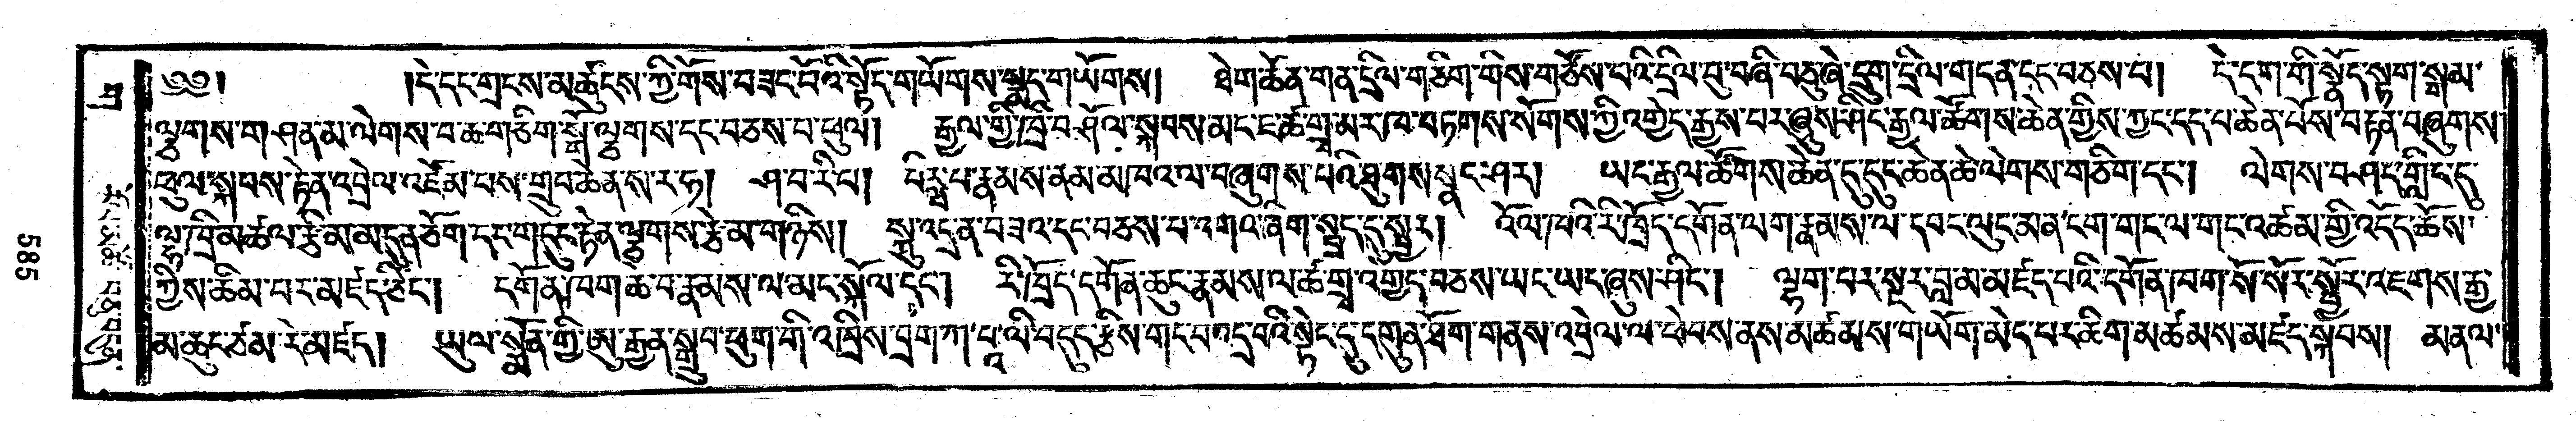༄༅། །དེ་དང་གྲངས་མཚུངས་ཀྱི་གོས་བཟང་བོའི་སྟོད་གཡོགས་སྨད་གཡོགས། ཐེག་ཆོན་གན་དྲིལ་གཅིག་གིས་གཙོས་པའི་དྲིལ་བུ་བཞི་བཅུ་ཞེ་དྲུག་དྲིལ་གདན་དང་བཅས་པ། དེ་དག་གི་སྣོད་སྟག་སྒམ་
ལྕགས་གཤན་མ་ལེགས་པ་ཆ་གཅིག་སྒོ་ལྕགས་དང་བཅས་པ་ཕུལ། རྒྱལ་གྱི་ཁྲི་བཤོལ་སྐབས་མང་ཇ་ཚ་གྲྭ་མར་ཁ་བཏགས་སོགས་ཀྱི་འགྱེད་རྒྱས་པར་ཞུས་ཤིང་རྒྱལ་ཚོགས་ཆེན་གྱིས་ཀྱང་དད་པ་ཆེན་པོས་བརྟན་བཞུགས་
ཕུལ་སྐབས་རྟེན་འབྲེལ་འཛོམ་པས་གྲུབ་ཆེན་ས་ར་ཧ། ཤ་བ་རི་པ། པིརྭ་པ་རྣམས་ནམ་མཁའ་ལ་བཞུགས་པའི་ཐུགས་སྣང་ཤར། ཡང་རྒྱལ་ཚོགས་ཆེན་དུ་དུང་ཆེན་ཆེ་ལེགས་གཅིག་དང་། ལེགས་བཤད་གླིང་དུ་
ལྷ་ཁྲི་མཚལ་རྩིམ་མདུན་ཅོག་དང་གདུང་རྟེན་ལྕགས་རྩེ་མ་གཉིས། སྐུ་འདྲན་བཟའ་དང་བཅས་པ་འགའ་ཞིག་སྦྲད་དུ་སྦྱར། འོལ་ཁའི་རི་ཁྲོད་དགོན་ལག་རྣམས་ལ་དབང་ལུང་མན་ངག་གང་ལ་གང་འཚམ་གྱི་འདོད་ཆོས་
ཀྱིས་ཆིམ་པར་མཛད་ཅིང་། དགོན་ཁག་ཆེ་བ་རྣམས་ལ་མང་སྐོལ་དང་། རི་ཁྲོད་དགོན་ཆུང་རྣམས་ལ་ཚ་གྲྭ་འགྱད་བཅས་ཡང་ཡང་ཞུས་ཤིང་། ལྷག་པར་སྔར་བླ་མ་མཛད་པའི་དགོན་ཁག་སོ་སོར་སྦྱོར་འཇགས་རྒྱ་
མ་ཆུང་ཙམ་རེ་མཛད། ཡུལ་སྨོན་གྱི་ཨུ་རྒྱན་སྒྲུབ་ཕུག་གི་འཁྲིས་བྲག་ཀ་པཱ་ལི་བདུད་རྩིས་གང་བ་འདྲ་བའི་སྟེང་དུ་དགུན་ཐོག་གནས་འབྲེལ་ལ་ཕེབས་ནས་མཚམས་གཡོག་མེད་པར་ཆིག་མཚམས་མཛད་སྐབས། མནལ་